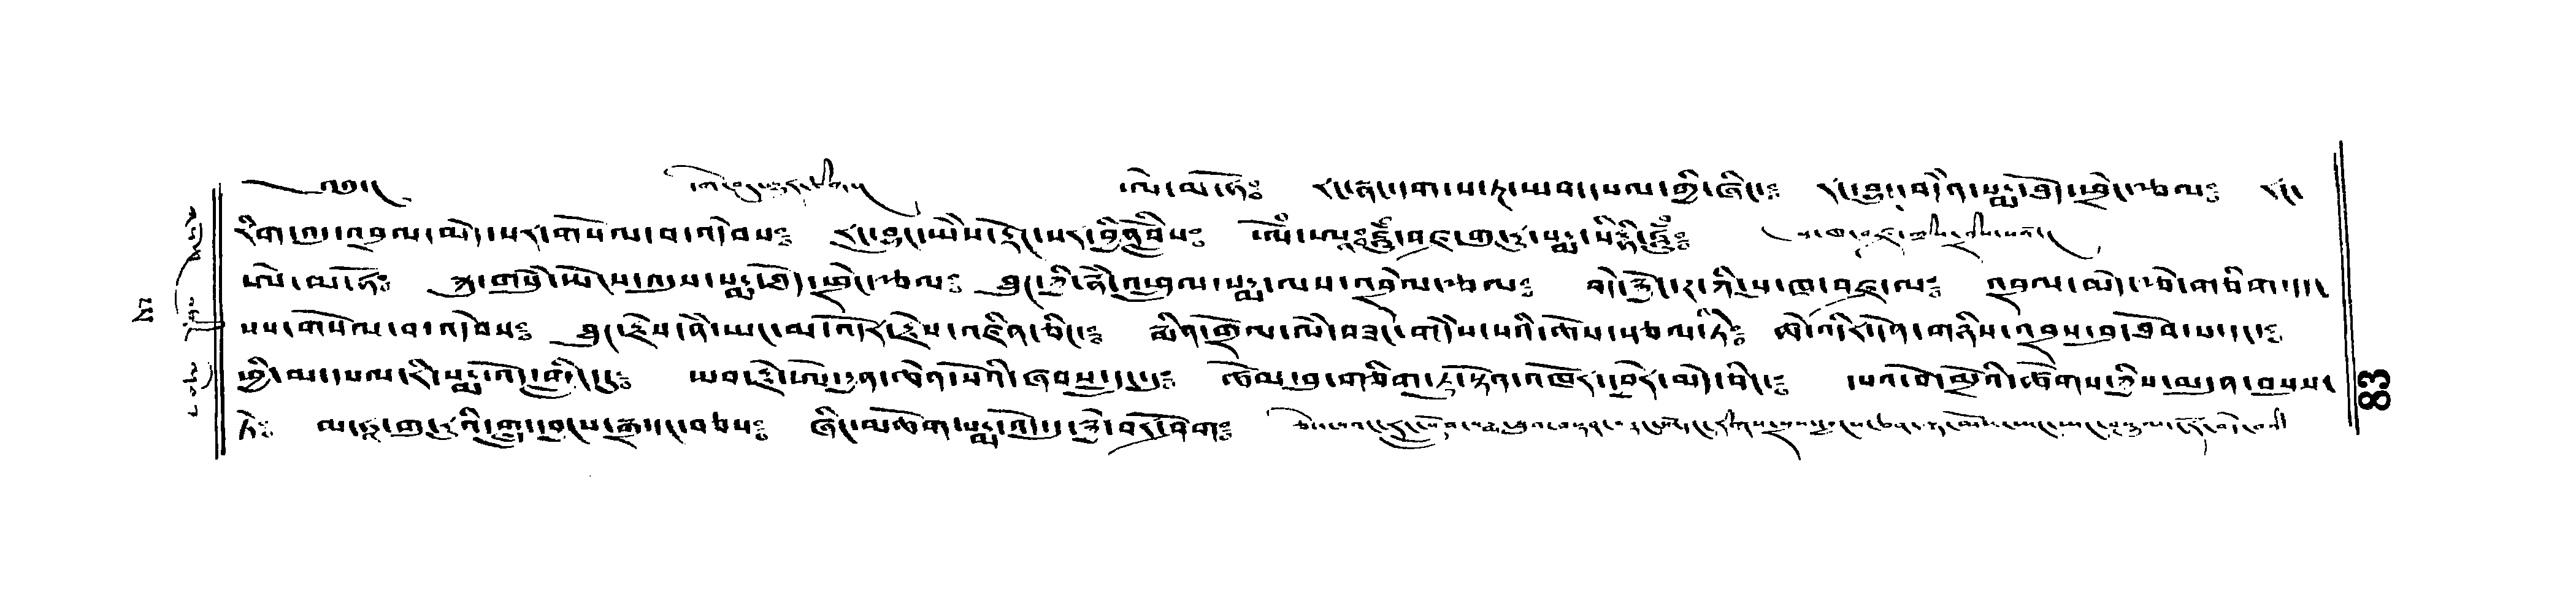དགེ་བར་གྱུར་ཅིག།། ཨེ་མ་ཧོ༔ རང་སྣང་དག་པ་རྔ་ཡབ་དཔལ་གྱི་ཞིང༔ རང་བྱུང་བདེ་ཆེན་པདྨ་ཐོད་ཕྲེང་རྩལ༔ རང་
རིག་འདུ་འབྲལ་མེད་པར་གསོལ་བ་འདེབས༔ རང་བྱུང་ཡེ་ཤེས་རྟོགས་པར་བྱིན་གྱིས་རློབས༔ ཨོཾ་ཨཱཿཧཱུྃ་བཛྲ་གུ་རུ་པདྨ་སིདྡྷི་ཧཱུྃ༔ སུ་ཁ་བཛྲ་གྱིས་བྲིས་པའོ།། 
ཨེ་མ་ཧོ༔ སྐུ་གསུམ་ཡོངས་འདུས་པདྨ་ཐོད་ཕྲེང་རྩལ༔ ཐུགས་ཀྱི་རྣམ་འཕྲུལ་པདྨ་ལས་འབྲེལ་རྩལ༔ བདེ་སྐྱོང་ཌཱ་ཀི་སུ་ཁ་བཛྲ་ལ༔ འབྲལ་མེད་རྩེ་གཅིག་དད་
པས་གསོལ་བ་འདེབས༔ ཐུགས་རྗེས་ནམ་ཡང་མ་འདོར་རྗེས་འཛིན་ཅིང༔ སྨིན་གྲོལ་ལམ་བཟང་གདམས་པའི་ཆོས་སྩལ་ཏེ༔ ཚེ་འདིར་དོན་གཉིས་འབྲས་བུ་ཐོབ་པ་དང༔ 
ཕྱི་མ་དཔལ་རི་པདྨ་འོད་གླིང་དུ༔ ཡབ་རྗེ་ཨོ་རྒྱན་ཆེན་པོའི་ཞབས་དྲུང་དུ༔ ཚོམ་བུ་གཅིག་ཏུ་སྟོན་འཁོར་དབྱེར་མེད་ཅིང༔ དཔའ་བོ་མཁའ་འགྲོའི་ཚོགས་ཀྱིས་མདུན་བསུས་
ཏེ༔ མ་ཧཱ་གུ་རུའི་གླུ་དབྱངས་སྒྲ་དང་བཅས༔ ཞིང་མཆོག་པདྨ་འོད་དུ་སྐྱེ་བར་ཤོག༔ ཅེས་པའང་རང་སློབ་པདྨ་ཐུབ་བསྟན་བཟང་པོ་དང་རིགས་སྲས་དབྱངས་ཅན་ལྷ་མོས་ཡང་ཡང་བསྐུལ་ངོར་བདེ་བའི་